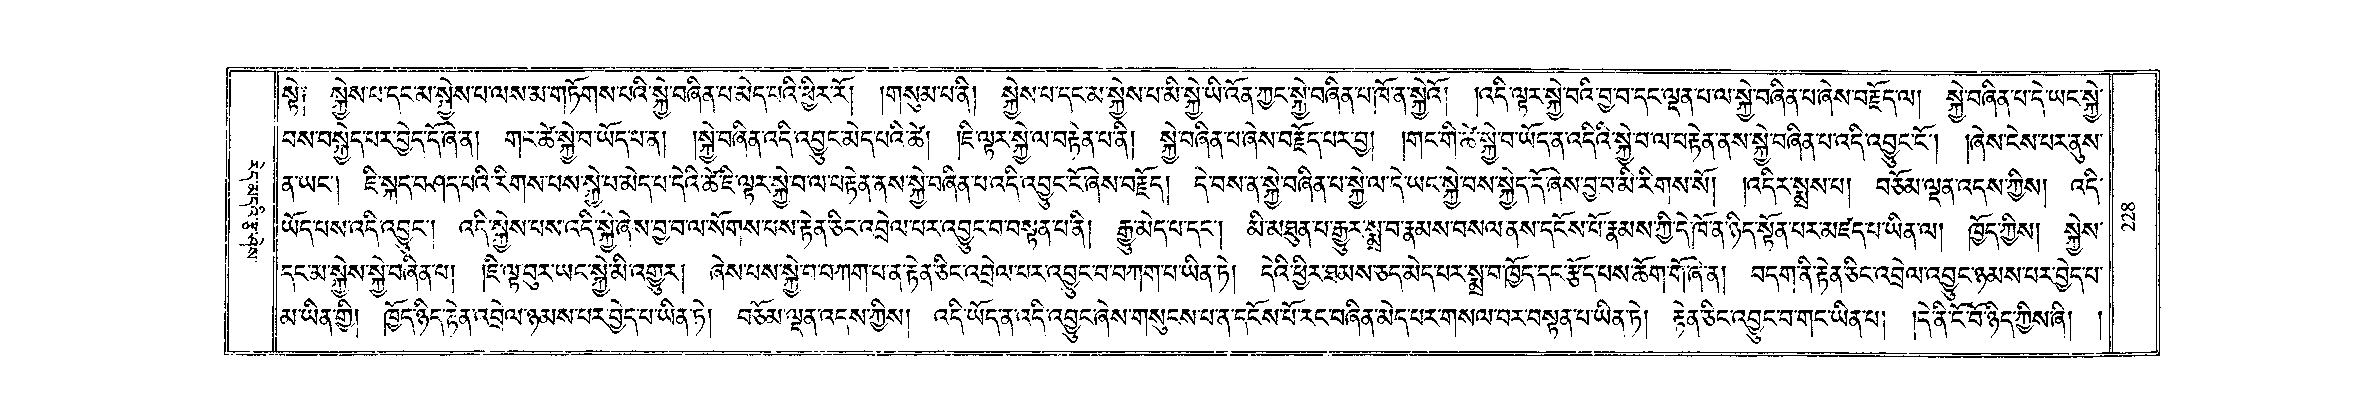སྟེ༑ སྐྱེས་པ་དང་མ་སྐྱེས་པ་ལས་མ་གཏོགས་པའི་སྐྱེ་བཞིན་པ་མེད་པའི་ཕྱིར་རོ། །གསུམ་པ་ནི། སྐྱེས་པ་དང་མ་སྐྱེས་པ་མི་སྐྱེ་ཡི་འོན་ཀྱང་སྐྱེ་བཞིན་པ་ཁོ་ན་སྐྱེའོ། །འདི་ལྟར་སྐྱེ་བའི་བྱ་བ་དང་ལྡན་པ་ལ་སྐྱེ་བཞིན་པ་ཞེས་བརྗོད་ལ། སྐྱེ་བཞིན་པ་དེ་ཡང་སྐྱེ་
བས་བསྐྱེད་པར་བྱེད་དོ་ཞེ་ན། གང་ཚེ་སྐྱེ་བ་ཡོད་པ་ན། །སྐྱེ་བཞིན་འདི་འབྱུང་མེད་པའི་ཚེ། །ཇི་ལྟར་སྐྱེ་ལ་བརྟེན་པ་ནི། སྐྱེ་བཞིན་པ་ཞེས་བརྗོད་པར་བྱ། །གང་གི་ཚེ་སྐྱེ་བ་ཡོད་ན་འདིའི་སྐྱེ་བ་ལ་བརྟེན་ནས་སྐྱེ་བཞིན་པ་འདི་འབྱུང་ངོ། །ཞེས་ངེས་པར་ནུས་
ན་ཡང་། ཇི་སྐད་བཤད་པའི་རིགས་པས་སྐྱེ་པ་མེད་པ་དེའི་ཚེ་ཇི་ལྟར་སྐྱེ་བ་ལ་བརྟེན་ནས་སྐྱེ་བཞིན་པ་འདི་འབྱུང་ངོ་ཞེས་བརྗོད། དེ་བས་ན་སྐྱེ་བཞིན་པ་སྐྱེ་ལ་དེ་ཡང་སྐྱེ་བས་སྐྱེད་དོ་ཞེས་བྱ་བ་མི་རིགས་སོ། །འདིར་སྨྲས་པ། བཅོམ་ལྡན་འདས་ཀྱིས། འདི་
ཡོད་པས་འདི་འབྱུང་། འདི་སྐྱེས་པས་འདི་སྐྱེ་ཞེས་བྱ་བ་ལ་སོགས་པས་རྟེན་ཅིང་འབྲེལ་པར་འབྱུང་བ་བསྟན་པ་ནི། རྒྱུ་མེད་པ་དང་། མི་མཐུན་པ་རྒྱུར་སྨྲ་བ་རྣམས་བསལ་ནས་དངོས་པོ་རྣམས་ཀྱི་དེ་ཁོ་ན་ཉིད་སྟོན་པར་མཛད་པ་ཡིན་ལ། ཁྱོད་ཀྱིས། སྐྱེས་
དང་མ་སྐྱེས་སྐྱེ་བཞིན་པ། །ཇི་ལྟ་བུར་ཡང་སྐྱེ་མི་འགྱུར། ཞེས་པས་སྐྱེ་བ་བཀག་པ་ན་རྟེན་ཅིང་འབྲེལ་པར་འབྱུང་བ་བཀག་པ་ཡིན་ཏེ། དེའི་ཕྱིར་ཐམས་ཅད་མེད་པར་སྨྲ་བ་ཁྱོད་དང་རྩོད་པས་ཆོག་གོ་ཞེ་ན། བདག་ནི་རྟེན་ཅིང་འབྲེལ་འབྱུང་ཉམས་པར་བྱེད་པ་
མ་ཡིན་གྱི། ཁྱོད་ཉིད་རྟེན་འབྲེལ་ཉམས་པར་བྱེད་པ་ཡིན་ཏེ། བཅོམ་ལྡན་འདས་ཀྱིས། འདི་ཡོད་ན་འདི་འབྱུང་ཞེས་གསུངས་པ་ན་དངོས་པོ་རང་བཞིན་མེད་པར་གསལ་བར་བསྟན་པ་ཡིན་ཏེ། རྟེན་ཅིང་འབྱུང་བ་གང་ཡིན་པ། །དེ་ནི་ངོ་བོ་ཉིད་ཀྱིས་ཞི། །